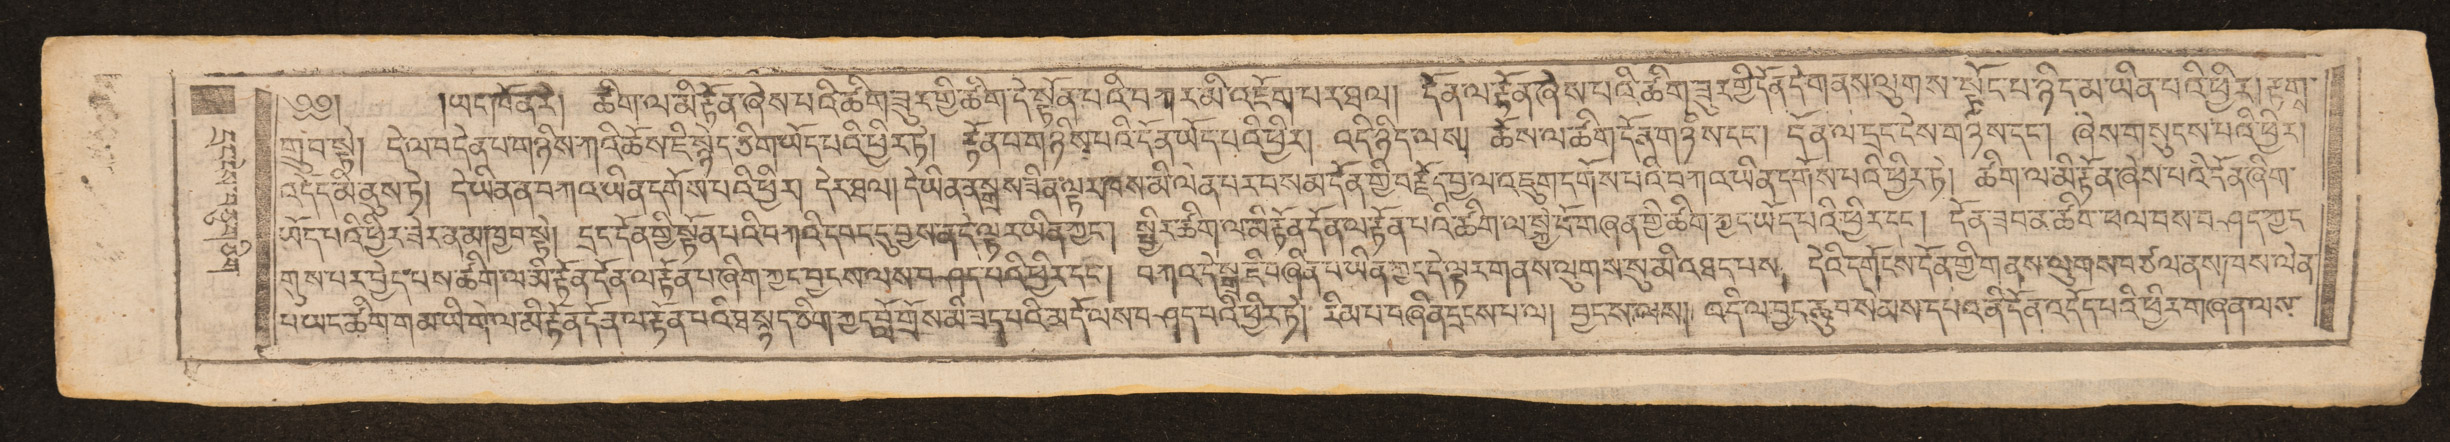༄༅། །ཡང་ཁོ་ན་རེ། ཚིག་ལ་མི་རྟོན་ཞེས་པའི་ཚིག་ཟུར་གྱི་ཚིག་དེ་སྟོན་པའི་བཀར་མི་འཇོག་པར་ཐལ། དོན་ལ་རྟོན་ཞེས་པའི་ཚིག་ཟུར་གྱི་དོན་དེ་གནས་ལུགས་སྟོང་པ་ཉིད་མ་ཡིན་པའི་ཕྱིར། རྟགས་
གྲུབ་སྟེ། དེ་ལ་བདེན་པ་གཉིས་ཀའི་ཆོས་ཇི་སྙེད་ཅིག་ཡོད་པའི་ཕྱིར་ཏེ། རྟོན་པ་གཉིས་པའི་དོན་ཡོད་པའི་ཕྱིར། འདི་ཉིད་ལས། ཆོས་ལ་ཚིག་དོན་གཉིས་དང་། དོན་ལ་དྲང་ངེས་གཉིས་དང་། ཞེས་གསུངས་པའི་ཕྱིར།
འདོད་མི་ནུས་ཏེ། དེ་ཡིན་ན་བཀའ་ཡིན་དགོས་པའི་ཕྱིར། དེར་ཐལ། དེ་ཡིན་ན་སྒྲས་ཟིན་ལྟར་ཁས་མི་ལེན་པར་བསམ་དོན་གྱི་བརྗོད་བྱ་ལ་འཇུག་དགོས་པའི་བཀའ་ཡིན་དགོས་པའི་ཕྱིར་ཏེ། ཚིག་ལ་མི་རྟོན་ཞེས་པའི་དོན་ཞིག་
ཡོད་པའི་ཕྱིར་ཟེར་ན་མ་ཁྱབ་སྟེ། དྲང་དོན་གྱི་སྟོན་པའི་བཀའ་དབང་དུ་བྱས་ན་དེ་ལྟར་ཡིན་ཀྱང་། སྤྱིར་ཚིག་ལ་མི་རྟོན་དོན་ལ་རྟོན་པའི་ཚིག་ལ་སྐྱེ་བོ་གཞན་གྱི་ཚིག་ཀྱང་ཡོད་པའི་ཕྱིར་དང་། དོན་ཟབ་ན་ཚིག་ཕལ་བས་བཤད་ཀྱང་
གུས་པར་བྱེད་པས་ཚིག་ལ་མི་རྟོན་དོན་ལ་རྟོན་པ་ཞིག་ཀྱང་བྱངས་ལས་བཤད་པའི་ཕྱིར་དང་། བཀའ་དེ་སྒྲ་ཇི་བཞིན་པ་ཡིན་ཀྱང་དེ་ལྟར་གནས་ལུགས་སུ་མི་འཐད་པས། དེའི་དགོངས་དོན་གྱི་གནས་ལུགས་བཙལ་ནས་ཁས་ལེན་
པ་ཡང་ཚིག་གམ་ཡི་གེ་ལ་མི་རྟོན་དོན་ལ་རྟོན་པའི་ཐ་སྙད་ཅིག་ཀྱང་བློ་གྲོས་མི་ཟད་པའི་མདོ་ལས་བཤད་པའི་ཕྱིར་ཏེ། རིམ་པ་བཞིན་དྲངས་པ་ལ། བྱང་ས་ལས། འདི་ལ་བྱང་ཆུབ་སེམས་དཔའ་ནི་དོན་འདོད་པའི་ཕྱིར་གཞན་ལས་